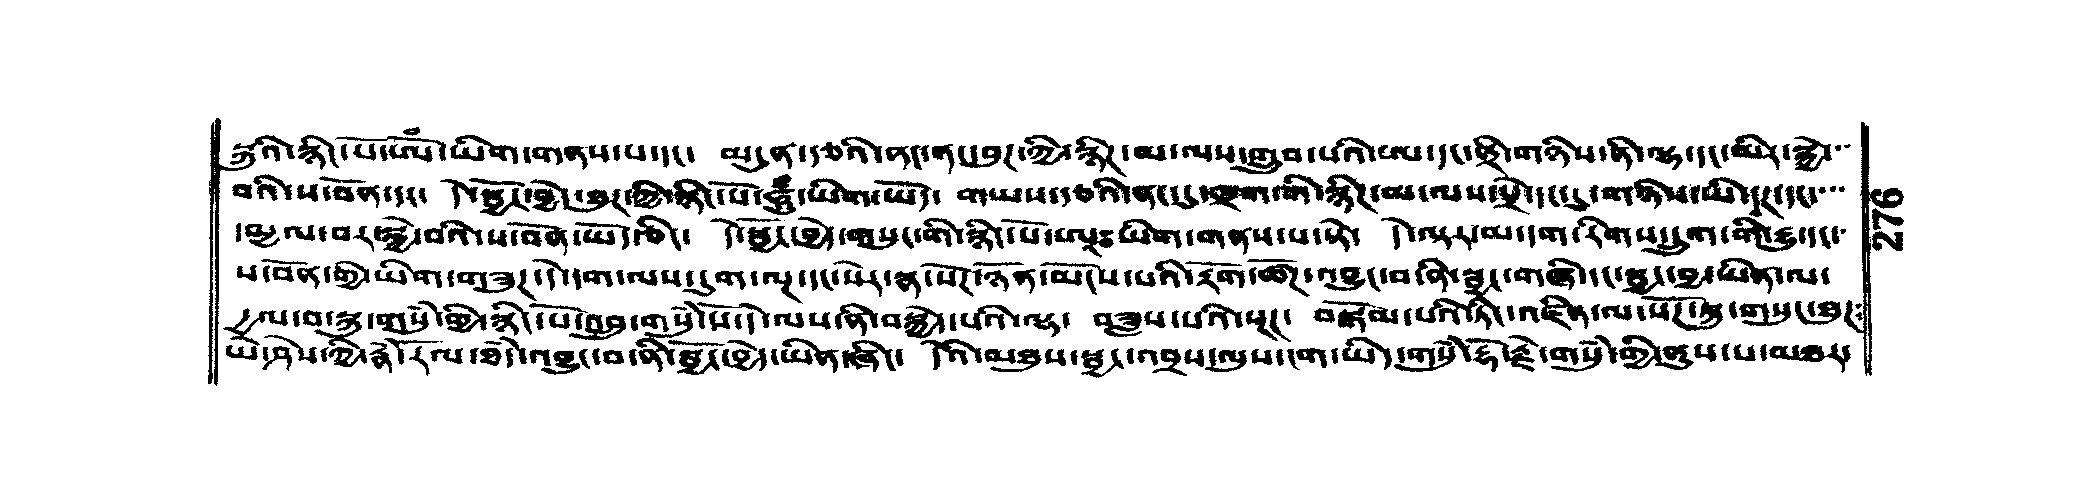སྐུའི་སྙིང་པོ་ཨོཾ་ཡིག་གནས་པ་དང་། མདུན་རྩའི་ནང་ན་དབུགས་ཀྱི་སྙིགས་མ་ལས་གྲུབ་པའི་ཨ་དང་ནྲི་གཉིས་ནི་ལྷ་དང་མིར་སྐྱེ་
བའི་ས་བོན་དང་། དེ་སྦྱོང་བྱེད་ཐུགས་ཀྱི་སྙིང་པོ་ཧཱུྃ་ཡིག་ཡོད། གཡས་རྩའི་ནང་དུ་ཁྲག་གི་སྙིགས་མ་ལས་པྲེ་དང་དུ་གཉིས་ཡི་དྭགས་དང་
དམྱལ་བར་སྐྱེ་བའི་ས་བོན་ཡོད་ཅིང་། དེ་སྦྱོང་བྱེད་གསུང་གི་སྙིང་པོ་ཨཱཿཡིག་གནས་པ་སྟེ། དེ་ལྟར་མ་དག་རིགས་དྲུག་གི་རྒྱུ་དང་
ས་བོན་གྱི་ཡིག་གཟུགས་དེ་དག་ལས་དུག་ལྔ་དང་སེར་སྣ་སོགས་ཉོན་མོངས་པའི་རྟོག་ཚོགས་འབྱུང་བ་ནི་སྦྱང་གཞི་དང་སྦྱང་བྱ་ཡིན་ལ།
རྒྱལ་བ་སྐུ་གསུམ་གྱི་སྙིང་པོ་འབྲུ་གསུམ་པོ་དེ་ལས་ནི་བསྐྱེད་པའི་ལྷ། བཟླས་པའི་སྔགས། བསྒོམ་པའི་ཏིང་འཛིན་ལ་སོགས་སྐུ་གསུང་ཐུགས་
ཡེ་ཤེས་ཀྱི་རྣམ་རོལ་ཐམས་ཅད་འབྱུང་བ་ནི་སྦྱོང་བྱེད་ཡིན་ཞིང་། དེའི་མཐུས་སྦྱང་འབྲས་ལུས་ངག་ཡིད་གསུམ་རྡོ་རྗེ་གསུམ་གྱི་ནུས་པ་མཐར་